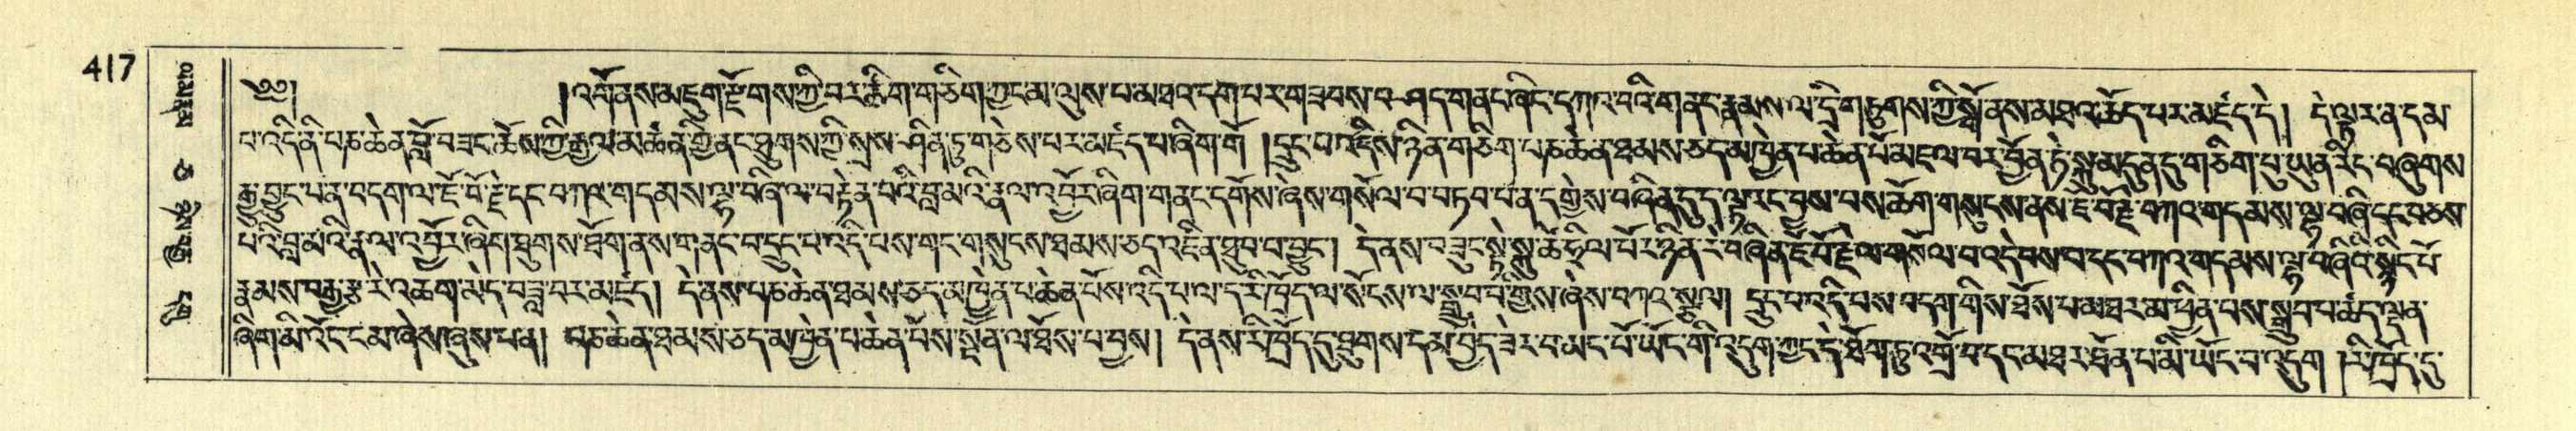༄༅། །འགོ་ནས་མཇུག་རྫོགས་ཀྱི་བར་ཚིག་གཅིག་ཀྱང་མ་ལུས་པ་མཐའ་དག་པར་གཟབས་བཤད་གནང་ཞིང་དཀའ་བའི་གནང་རྣམས་ལ་དྲི་གཏུགས་ཀྱི་སྒོ་ནས་མཐའ་ཆོད་པར་མཛད་དེ། དེ་ལྟར་ན་དམ་
པ་འདི་ནི་པཎ་ཆེན་བློ་བཟང་ཆོས་ཀྱི་རྒྱལ་མཚན་གྱི་ནང་ཐུགས་ཀྱི་སྲས་ཤིན་ཏུ་གཅེས་པར་མཛད་པ་ཞིག་གོ །དྲུང་པ་འདིས་ཉིན་གཅིག་པཎ་ཆེན་ཐམས་ཅད་མཁྱེན་པཎ་ཆེན་པོ་མཇལ་བར་བྱོན་ཏེ་སྐུ་མདུན་དུ་གཅིག་པུ་ཡུན་རིང་བཞུགས་
རྒྱུ་བྱུང་པ་ན་བདག་ལ་ཇོ་བོ་རྗེ་དང་བཀའ་གདམས་ལྷ་བཞི་ལ་བརྟེན་པའི་བླ་མའི་རྣལ་འབྱོར་ཞིག་གནང་དགོས་ཞེས་གསོལ་བ་བཏབ་པ་ན་དགྱེས་བཞིན་དུ་ད་ལྟ་རང་བྱས་པས་ཆོག་གསུངས་ནས་ཇོ་བོ་རྗེ་བཀའ་གདམས་ལྷ་བཞི་དང་བཅས་
པའི་བླ་མའི་རྣལ་འབྱོར་ཞིག་ཐུགས་ཐོག་ནས་གནང་བ་དྲུང་པ་འདི་པས་གང་གསུངས་ཐམས་ཅད་འཛིན་ཐུབ་པ་བྱུང་། དེ་ནས་བཟུང་སྟེ་སྐུ་ཚེ་ཧྲིལ་པོར་ཉིན་རེ་བཞིན་ཇོ་བོ་རྗེ་ལ་གསོལ་བ་འདེབས་བ་དང་བཀའ་གདམས་ལྷ་བཞིའི་སྙིང་པོ་
རྣམས་བརྒྱ་རྩ་རེ་འཆག་མེད་བཟླ་བར་མཛད། དེ་ནས་པཎ་ཆེན་ཐམས་ཅད་མཁྱེན་པཎ་ཆེན་པོས་འདི་པ་ལ་ད་རི་ཁྲོད་ལ་སོངས་ལ་སྒྲུབ་བ་གྱིས་ཞེས་བཀའ་སྩལ། དྲུང་པ་འདི་པས་བདག་གིས་ཐོས་པ་མཐར་མ་ཕྱིན་པས་སྒྲུབ་པ་ཚད་ལྡན་
ཞིག་མི་འོང་ངམ་ཞེས་ཞུས་པ་ན། པཎ་ཆེན་ཐམས་ཅད་མཁྱེན་པ་ཆེན་པོས་སྔོན་ལ་ཐོས་པ་བྱས། དེ་ནས་རི་ཁྲོད་དུ་ཐུགས་དམ་བྱེད་ཟེར་བ་མང་པོ་ཡོང་གི་འདུག་ཀྱང་དེ་ཐོག་ཏུ་འགྲོ་བ་དང་མཐར་ཐོན་པ་མི་ཡོང་བ་འདུག །རི་ཁྲོད་དུ་